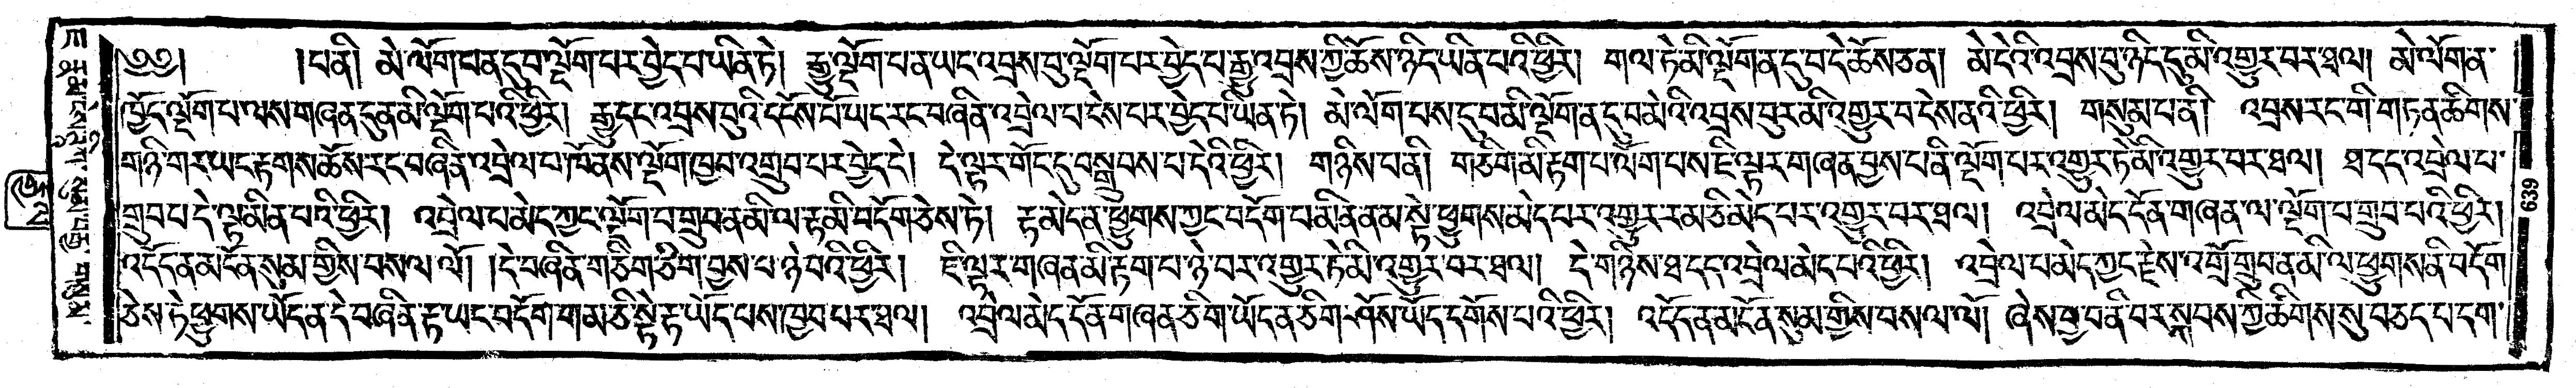༄༅། །པ་ནི། མེ་ལོག་པ་ན་དུ་བ་ལྡོག་པར་བྱེད་པ་ཡིན་ཏེ། རྒྱུ་ལྡོག་པ་ན་ཡང་འབྲས་བུ་ལྡོག་པར་བྱེད་པ་རྒྱུ་འབྲས་ཀྱི་ཆོས་ཉིད་ཡིན་པའི་ཕྱིར། གལ་ཏེ་མི་ལྡོག་ན་དུ་བ་དེ་ཆོས་ཅན། མེ་དེའི་འབྲས་བུ་ཉིད་དུ་མི་འགྱུར་བར་ཐལ། མེ་ལོག་ན་
ཁྱོད་ལྡོག་པ་ལས་གཞན་དུན་མི་ལྡོག་པའི་ཕྱིར། རྒྱུ་དང་འབྲས་བུའི་དངོས་པོ་ཡང་རང་བཞིན་འབྲེལ་པ་ངེས་པར་བྱེད་པ་ཡིན་ཏེ། མེ་ལོག་པས་དུ་བ་མི་ལྡོག་ན་དུ་བ་མེའི་འབྲས་བུར་མི་འགྱུར་བ་དེས་ནའི་ཕྱིར། གསུམ་པ་ནི། འབྲས་རང་གི་གཏན་ཚིགས་
གྱི་གར་ཡང་རྟགས་ཆོས་རང་བཞིན་འབྲེལ་པ་ཁོ་ནས་ལྡོག་ཁྱབ་འགྲུབ་པར་བྱེད་དེ། དེ་ལྟར་གོང་དུ་བསྒྲུབས་པ་དེའི་ཕྱིར། གཉིས་པ་ནི། གཅིག་མི་རྟག་པ་ལོག་པས་ཇི་ལྟར་གཞན་བྱས་པ་ནི་ལྡོག་པར་འགྱུར་ཏེ་མི་འགྱུར་བར་ཐལ། ཐ་དད་འབྲེལ་པ་
གྲུབ་པ་དེ་ལྟ་མིན་པའི་ཕྱིར། འབྲེལ་པ་མེད་ཀྱང་ལྡོག་པ་གྲུབ་ན་མི་ལ་རྟ་མི་བདོག་ཅེས་ཏེ། རྟ་མེད་ན་ཕྱུགས་ཀྱང་བདོག་པ་མིན་ནམ་སྟེ་ཕྱུགས་མེད་པར་འགྱུར་རམ་ཅི་མེད་པར་འགྱུར་བར་ཐལ། འབྲེལ་མེད་དོན་གཞན་ལ་ལྡོག་པ་གྲུབ་པའི་ཕྱིར།
འདོད་ན་མངོན་སུམ་གྱིས་བསལ་ལོ། །དེ་བཞིན་གཅིག་ཅིག་བྱས་པ་ཉེ་བའི་ཕྱིར། ཇི་ལྟར་གཞན་མི་རྟག་པ་ཉེ་བར་འགྱུར་ཏེ་མི་འགྱུར་བར་ཐལ། དེ་གཉིས་ཐ་དད་འབྲེལ་མེད་པའི་ཕྱིར། འབྲེལ་པ་མེད་ཀྱང་རྗེས་འགྲོ་གྲུབ་ན་མི་ལ་ཕྱུགས་ནི་བདོག་
ཅེས་ཏེ་ཕྱུགས་ཡོད་ན་དེ་བཞིན་རྟ་ཡང་བདོག་གམ་ཅི་སྟེ་རྟ་ཡོད་པས་ཁྱབ་པར་ཐལ། འབྲེལ་མེད་དོན་གཞན་ཅིག་ཡོད་ན་ཅིག་ཤོས་ཡོད་དགོས་པའི་ཕྱིར། འདོད་ན་མངོན་སུམ་གྱིས་བསལ་ལོ། ཞེས་བྱ་བ་ནི་བར་སྐབས་ཀྱི་ཚིགས་སུ་བཅད་པ་དག་